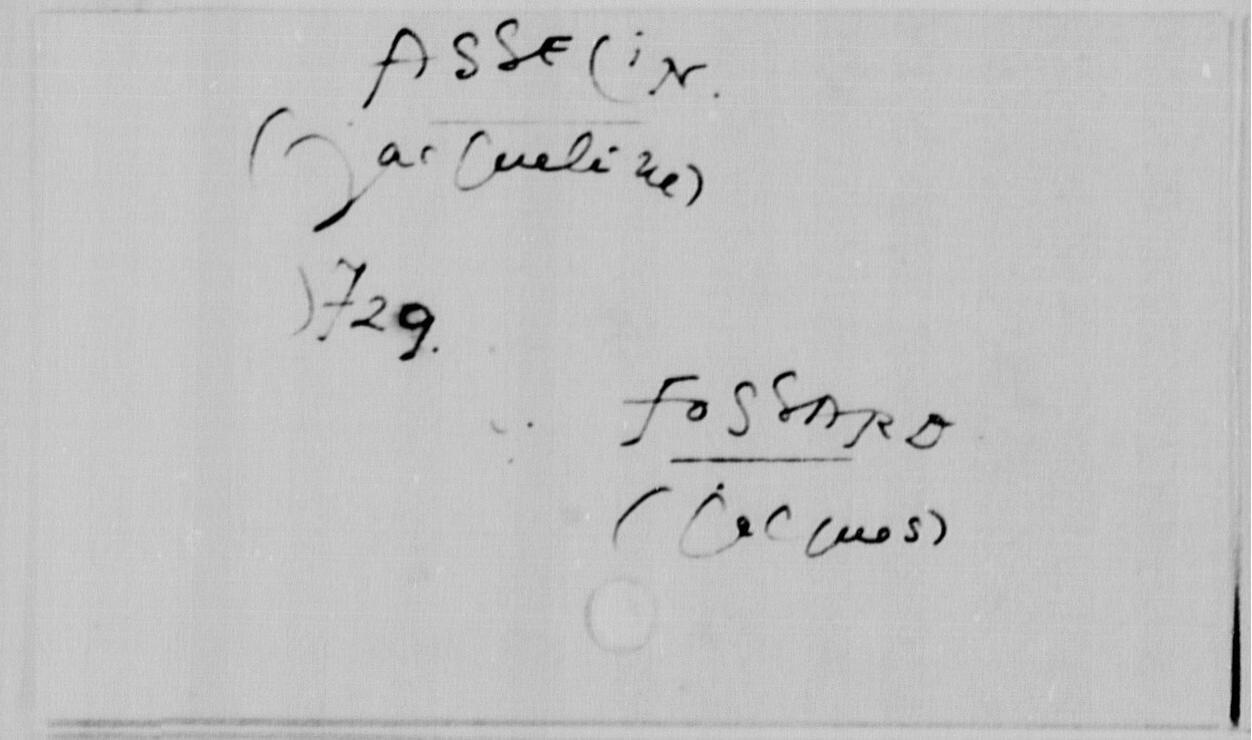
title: ASSELIN (Jacqueline)
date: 1729
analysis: Voir FOSSARD (Jacques)
